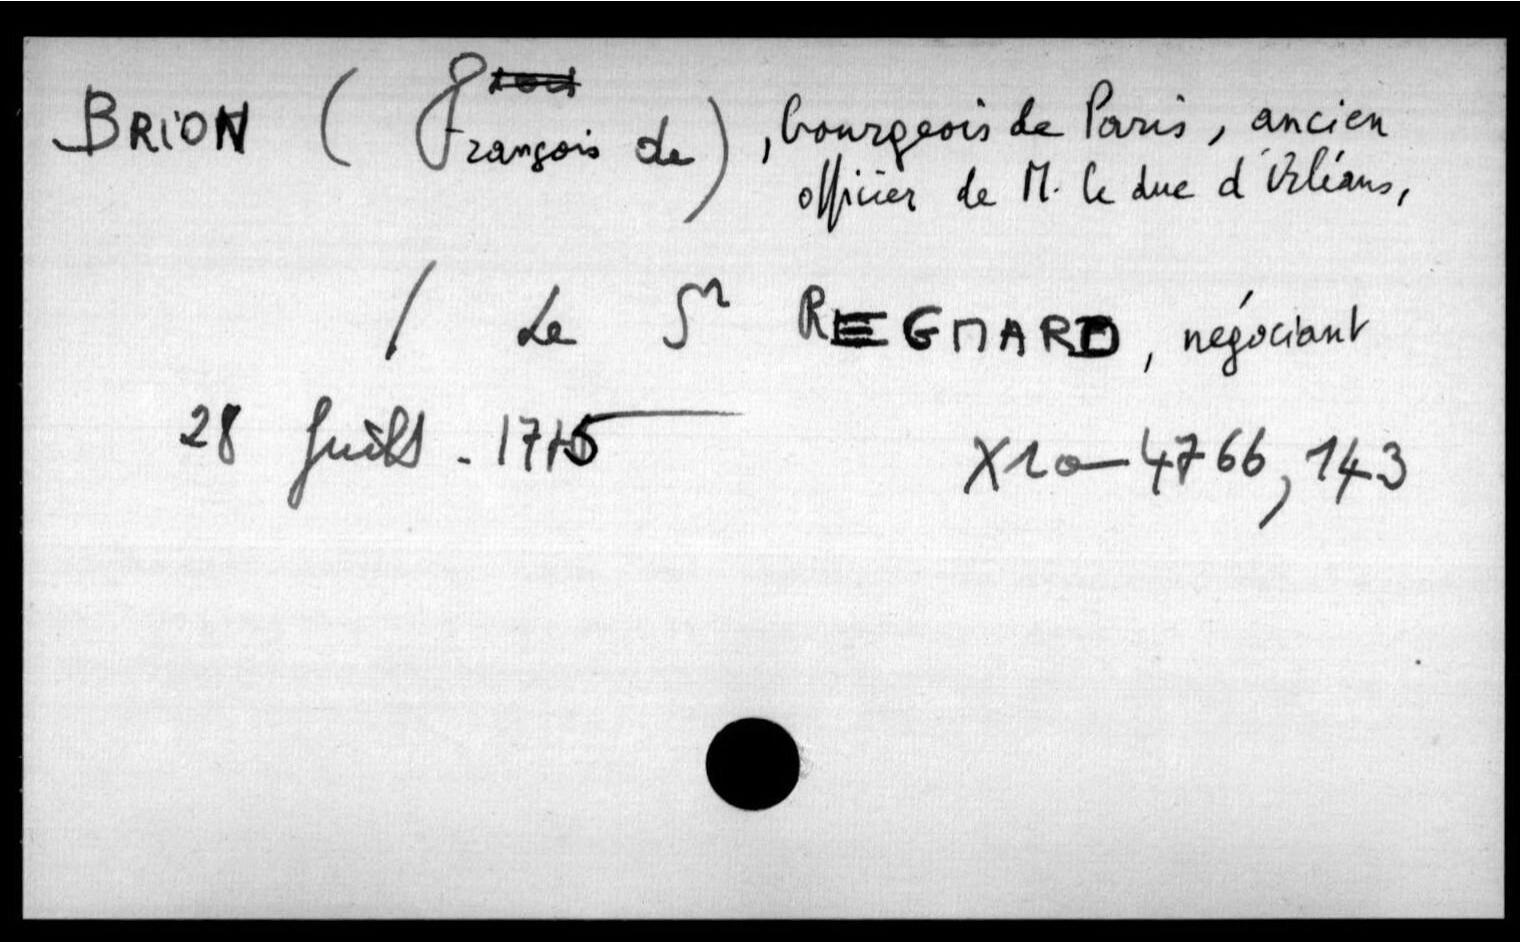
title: ARION (François de), bourgeois de Paris, ancien officier de Monsieur le duc d'Orléans
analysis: Contre Le sieur REGNARD, négociant
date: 28 juillet 1775
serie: X1a
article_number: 4766
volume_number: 143
